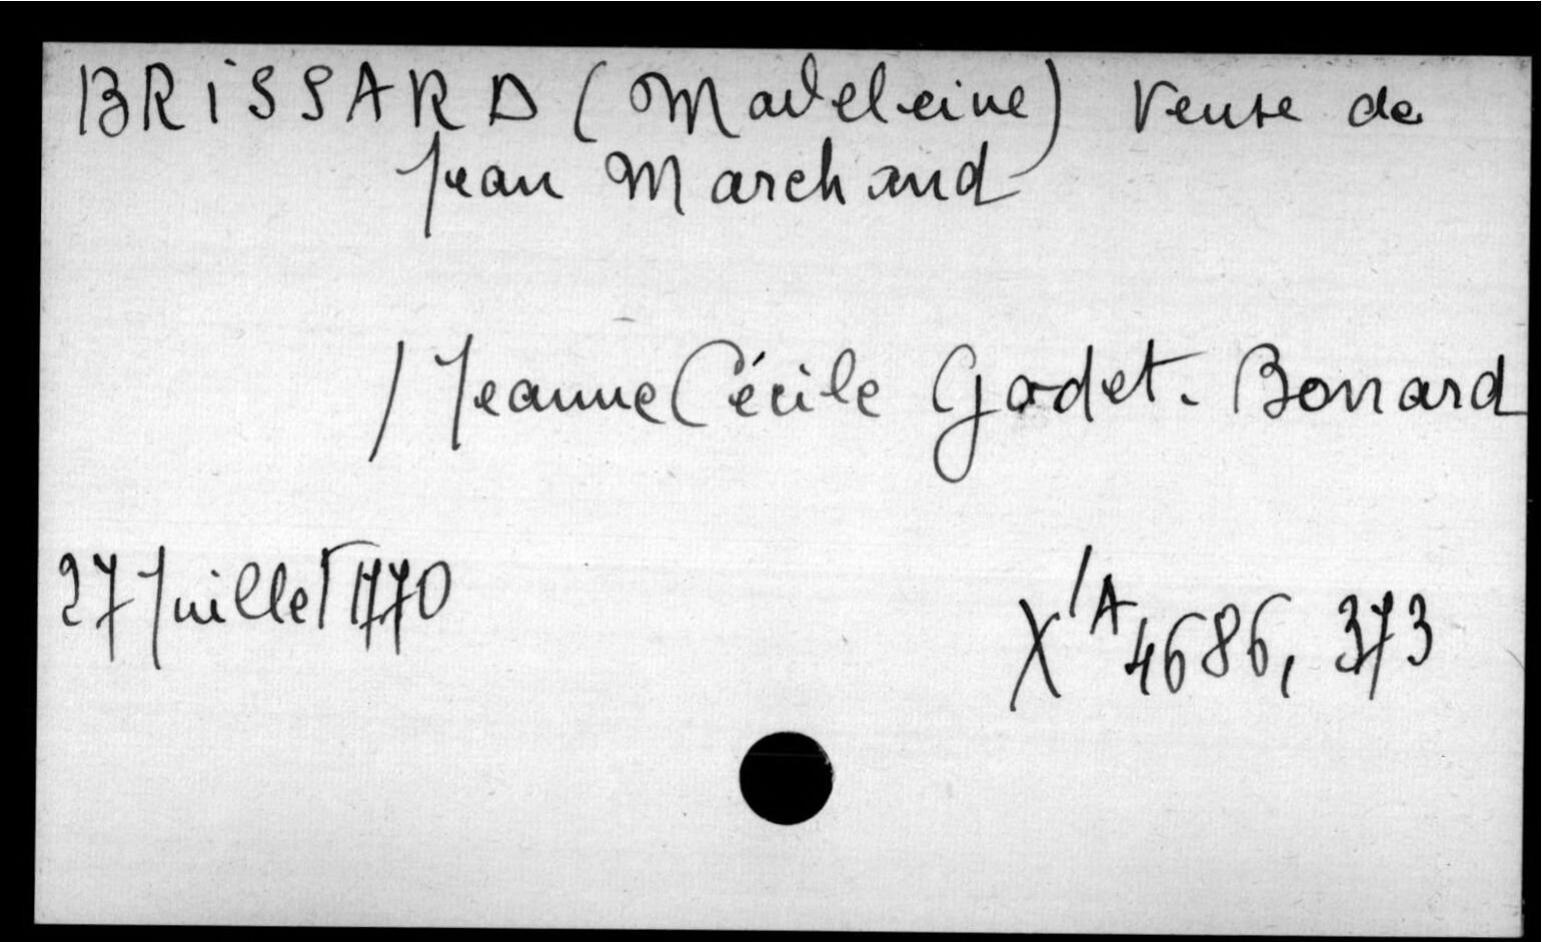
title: BRISSARD (Madeleine) Veuve de Jean Marchand
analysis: Contre Jeanne Cécile Godet-Bonard
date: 27 juillet 1770
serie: X1A
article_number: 4686
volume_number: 373
